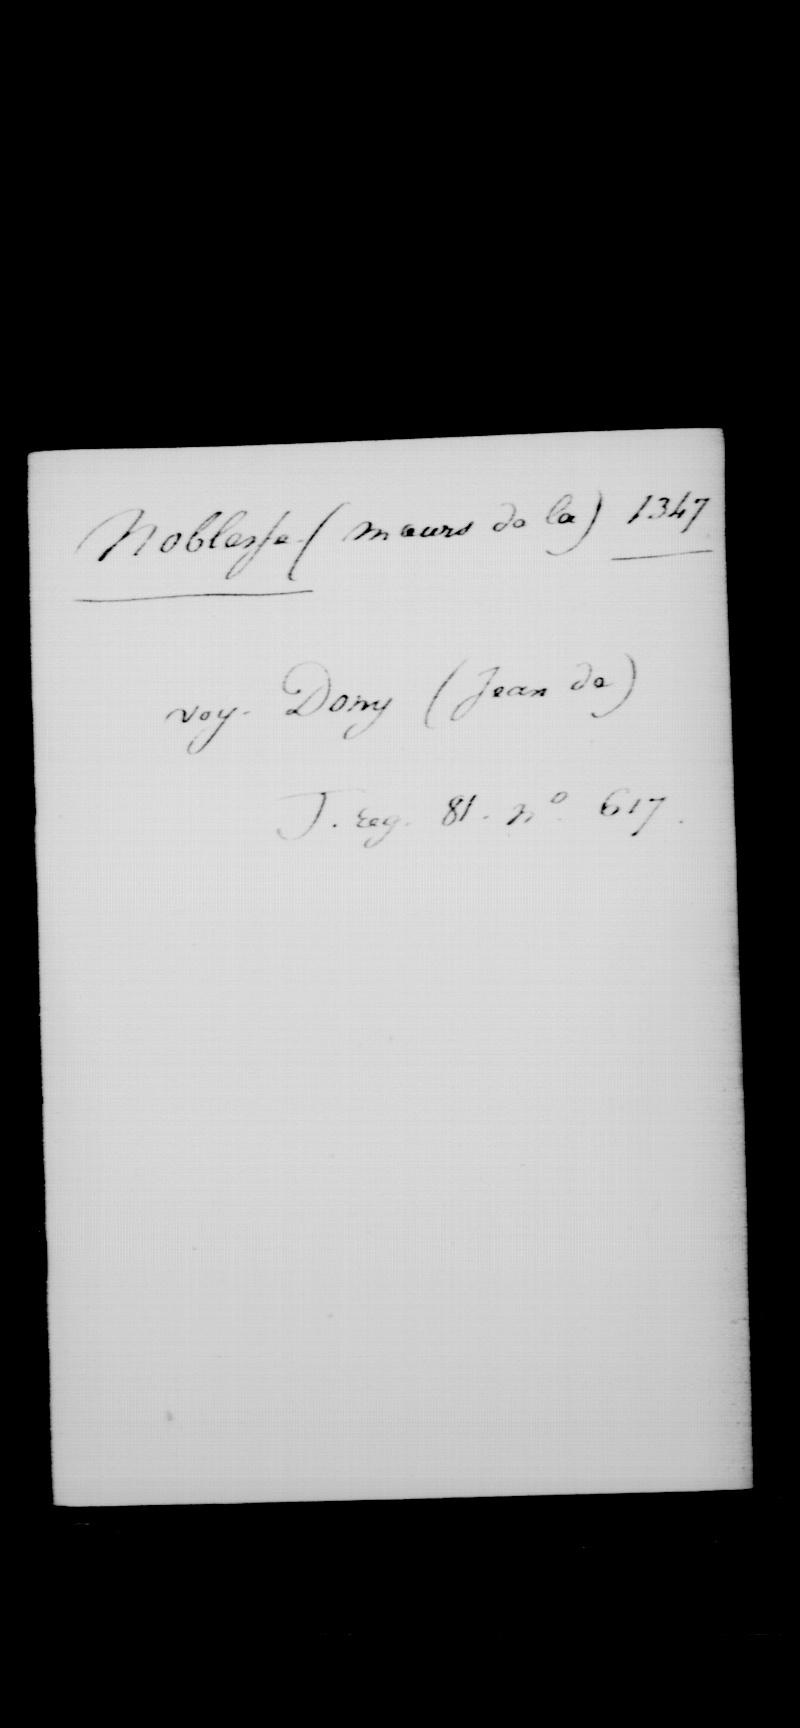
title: Noblesfe (moeurs de la)
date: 1347
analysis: Voy Dony (Jean de)
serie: J
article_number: reg 81
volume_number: n° 617
